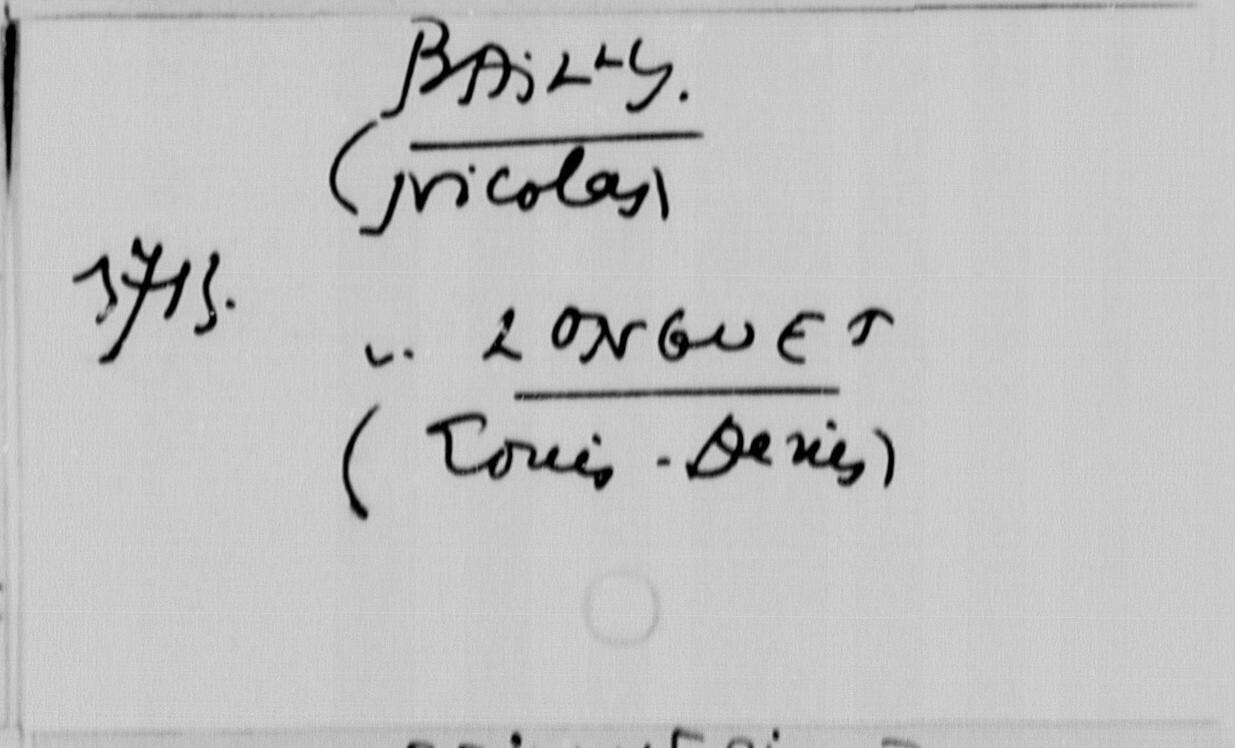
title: BAILLY (Nicolas)
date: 1713
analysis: Voir Longuet (Louis-Denis)
